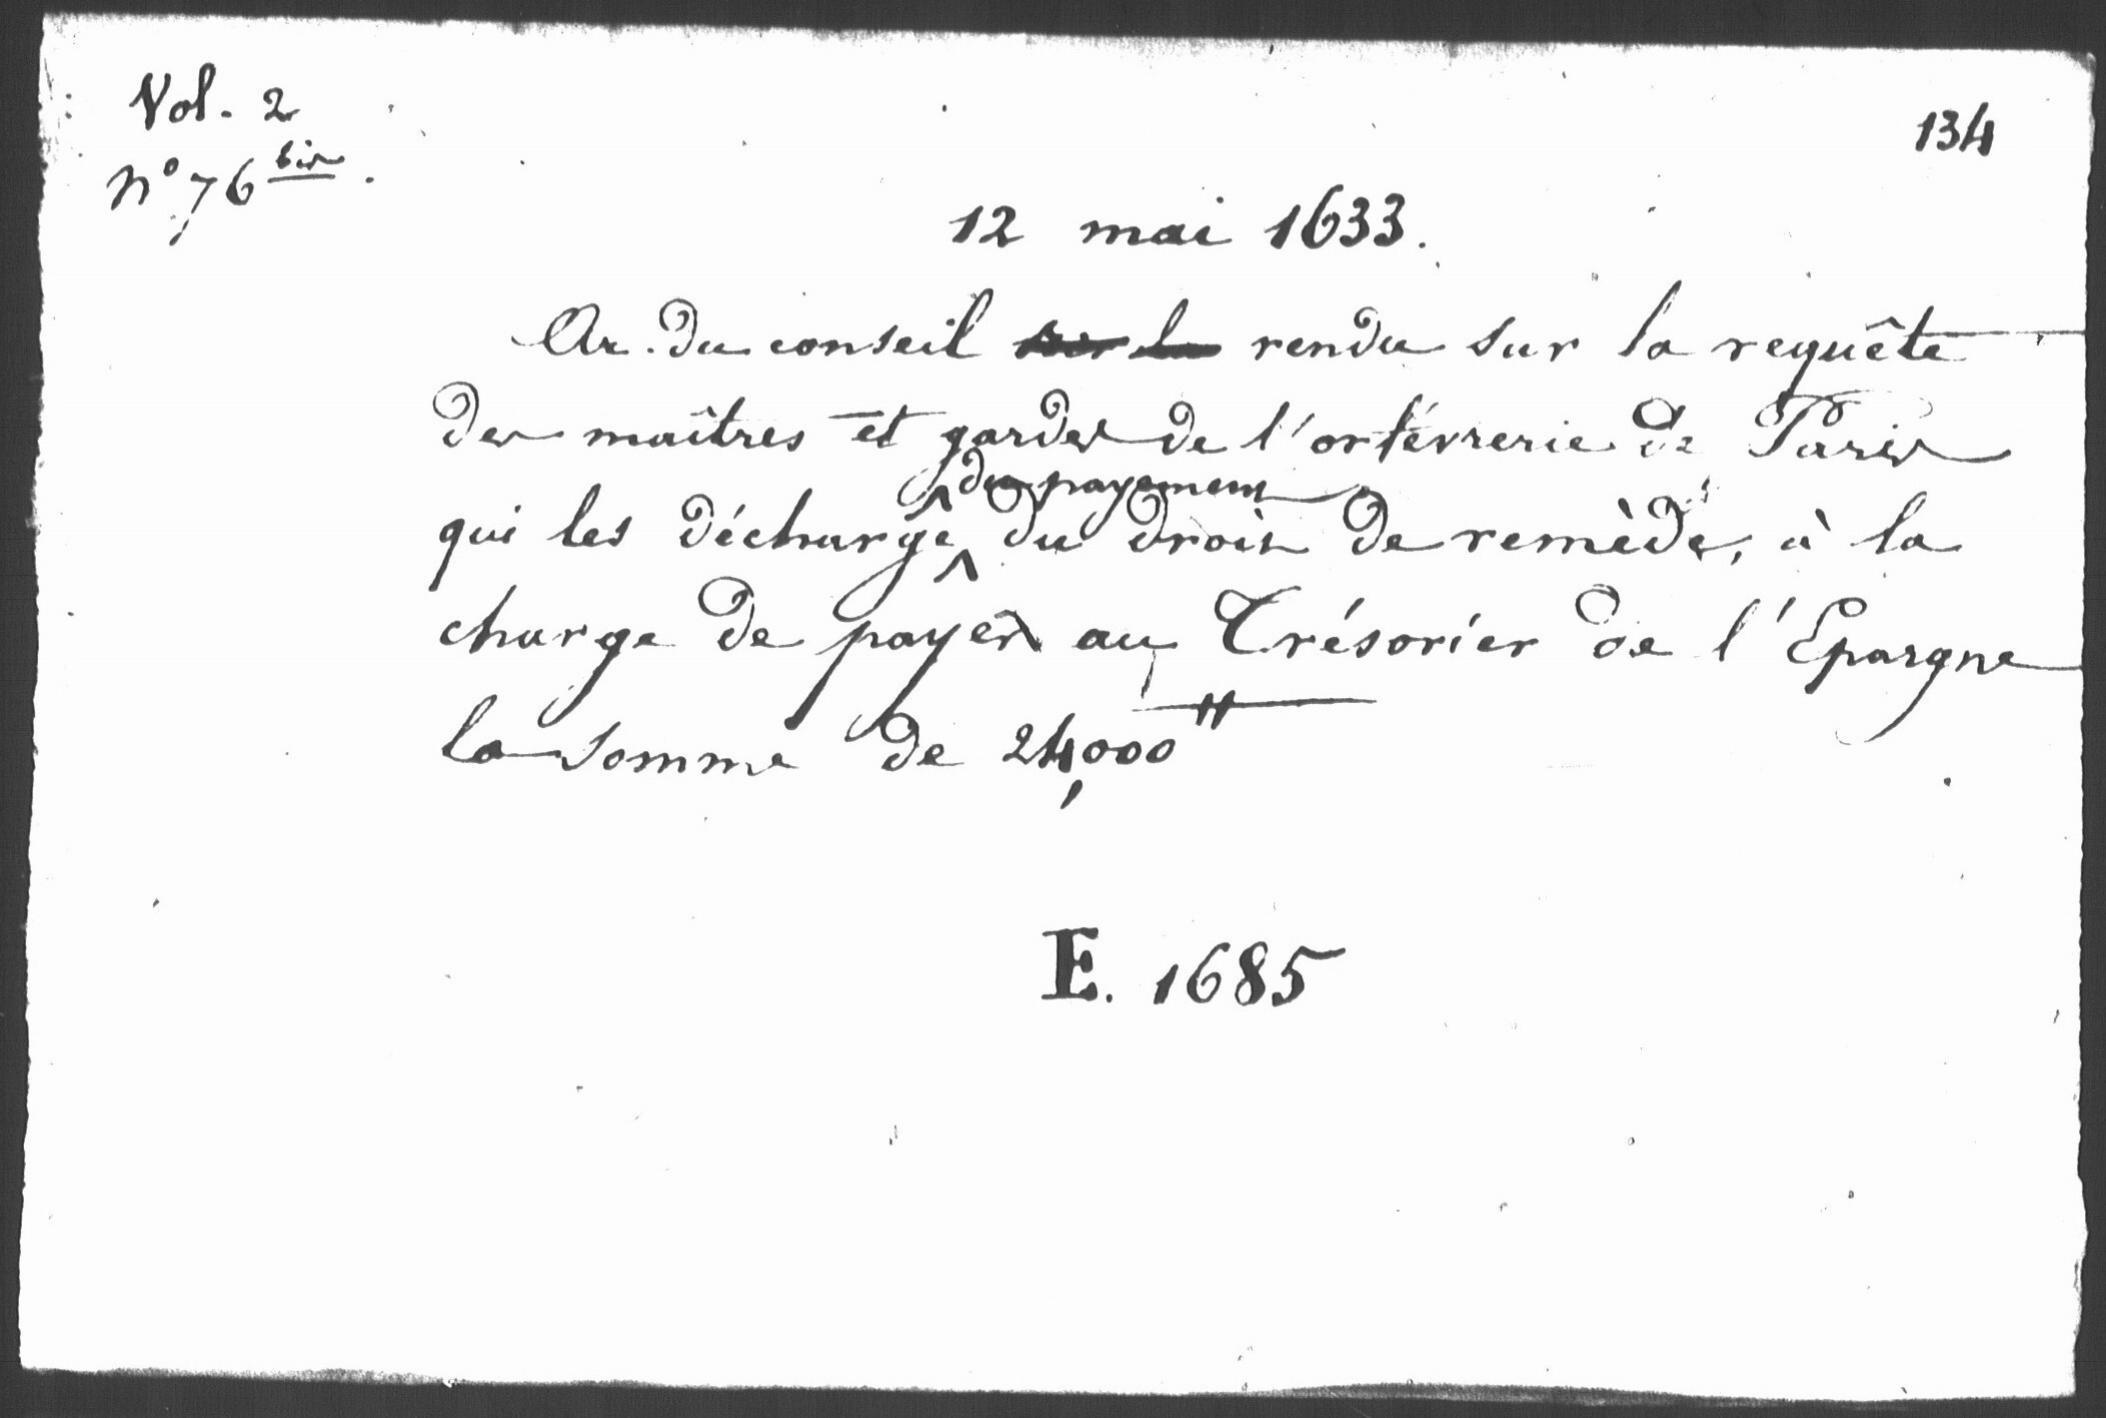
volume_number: n°76bis
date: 12 mai 1633
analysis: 134
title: Ar. du conseil [sur la, mots barrés] rendu sur la requête des maîtres et gardes de l'orfèvrerie de Paris qui les décharge du payement du droit de remède, à la charge de payer au Trésorier de l'Epargne la somme de 24,000 #
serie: E
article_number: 1685
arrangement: vol. 2
